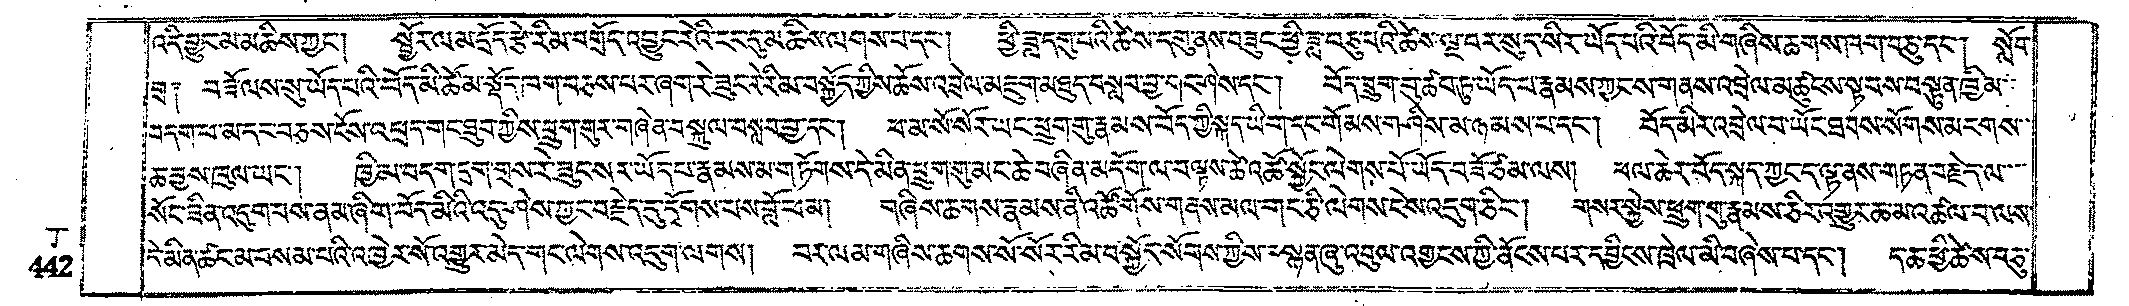འདི་བྱུང་མ་མཆིས་ཀྱང་། སྦྱོར་ལམ་དྲོད་རྩེ་རིམ་བགྲོད་འབྱུང་རེའི་ངང་དུ་མཆིས་ལགས་པ་དང་། ཕྱི་ཟླ་དགུ་པའི་ཚེས་དགུ་ནས་བཟུང་ཕྱི་ཟླ་བཅུ་པའི་ཚེས་ལྔ་བར་སུད་སིར་ཡོད་པའི་བོད་མི་གཞིས་ཆགས་ཁག་བཅུ་དང་། སློབ་
གྲ༑ བཟོ་ལས་སུ་ཡོད་པའི་བོད་མི་ཚོམ་སྡོད་ཁག་བཅས་པར་ཞག་རེ་ཟུང་རེ་རིམ་བསྐྱོད་ཀྱིས་ཆོས་འབྲེལ་མཇུག་མཐུད་བསླབ་བྱ་གང་ཤེས་དང་། བོད་ཕྲུག་བུ་ཚབ་ཏུ་ཡོད་པ་རྣམས་ཀྱང་ས་གནས་འབྲེལ་མཚུངས་སྟབས་བསྟུན་ཁྱིམ་་་
བདག་ཕ་མ་དང་བཅས་ངོས་འཕྲད་གང་ཐུབ་ཀྱིས་ཕྲུག་གུར་གཞེན་བསྐུལ་བསླབ་བྱ་དང་། ཕ་མ་སོ་སོར་ཡང་ཕྲུག་གུ་རྣམས་བོད་ཀྱི་སྐད་ཡིག་དང་གོམས་གཤིས་མ་ཉམས་པ་དང་། བོད་མིར་འབྲེལ་བ་ཡོང་ཐབས་སོགས་མངགས་་་
ཆ་བྱས་ཁུལ་ཡང་། ཁྱིམ་བདག་དྲག་གྲས་རེ་ཟུང་སར་ཡོད་པ་རྣམས་མ་གཏོགས་དེ་མིན་ཕྲུག་གུ་མང་ཆེ་བཞིན་མདོག་ལ་བལྟས་ཚེ་འཚོ་སྐྱོང་ལེགས་པོ་ཡོད་བཟོ་ཙམ་ལས། ཕལ་ཆེར་བོད་སྐད་ཀྱང་ད་ལྟ་ནས་གཏན་བརྗེད་ལ་་་
སོང་ཟིན་འདུག་པས་ནམ་ཞིག་བོད་མིའི་འདུ་ཤེས་ཀྱང་བརྗེད་དུ་དྭོགས་པས་བློ་ཕམ། གཞིས་ཆགས་རྣམས་ནི་འཚོ་གོས་གནས་མལ་གང་ཅི་ལེགས་ངེས་འདུག་ཅིང་། གསར་སྐྱེས་ཕྲུག་གུ་རྣམས་ཅིར་འགྱུར་ཆ་མ་འཚལ་བ་ལས་
དེ་མིན་ཚང་མ་བསམ་པའི་འཁྱེར་སོ་འགྱུར་མེད་གང་ལེགས་འདུག་ལགས། བར་ལམ་གཞིས་ཆགས་སོ་སོར་རིམ་བསྐྱོད་སོགས་ཀྱིས ༧སྙན་ཞུ་འབུལ་འགྱངས་ཀྱི་ནོངས་པར་དབྱིངས་ཁྲེལ་མི་བཞེས་པ་དང་། ད་ཆ་ཕྱི་ཚེས་བཅུ་